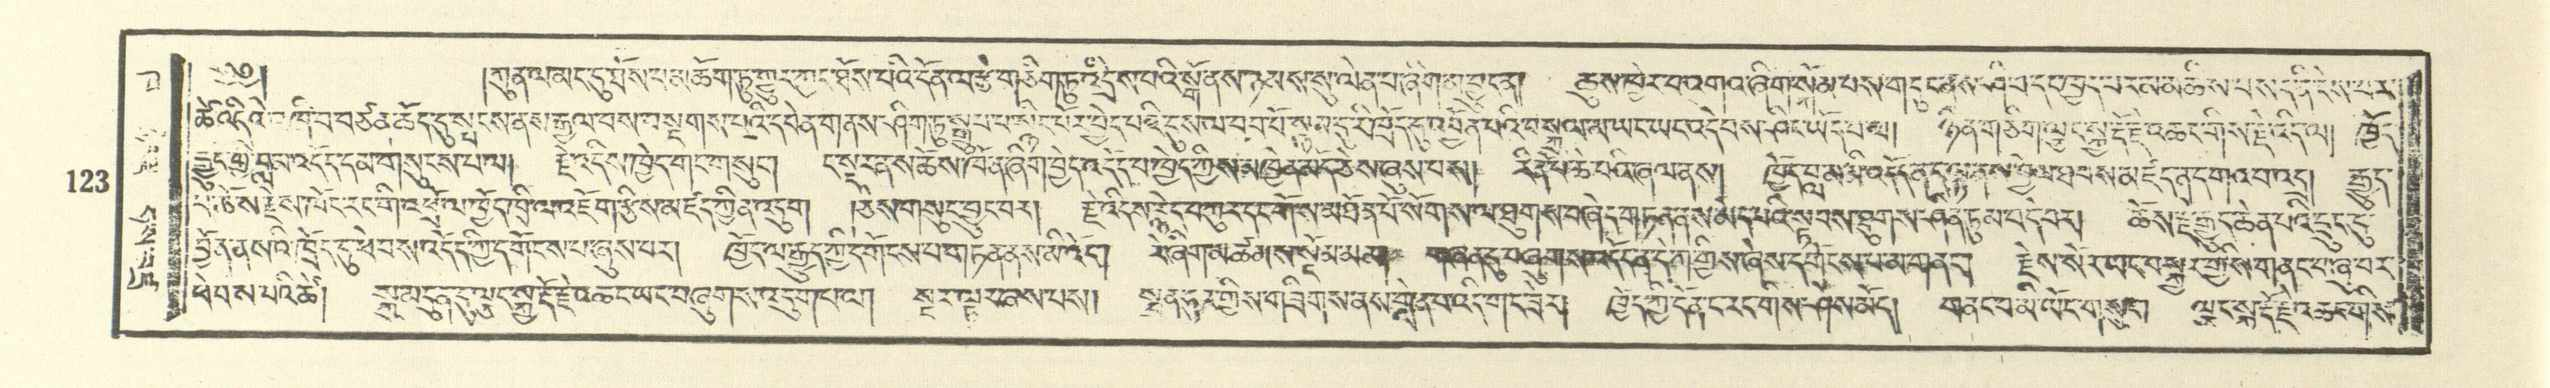༄༅། །ཀུན་ལ་མང་དུ་ཐོས་པ་མཆོག་ཏུ་གྱུར་ཀྱང་ཐོས་པའི་དོན་ལ་རྩེ་གཅིག་ཏུ་འདྲིས་པའི་སྒོ་ནས་ཉམས་སུ་ལེན་པ་ཞིག་མ་བྱུང་ན། ཆུས་ཁྱེར་བ་འགའ་ཞིག་སྐོམ་པས་གདུང་ནས་ཤི་བ་དང་ཁྱད་པར་མ་མཆིས་པས་ད་ནི་ངེས་པར་
ཚེ་འདིའི་འཁྲི་བ་བཙན་ཆོད་དུ་སྤངས་ནས་རྒྱལ་བས་བསྔགས་པའི་དབེན་གནས་ཤིག་ཏུ་སྒྲུབ་པ་སྙིང་པོར་བྱེད་པའི་དུས་ལ་བབ་པོ་སྙམ་དུ་རི་ཁྲོད་དུ་འབྱོན་པའི་བསྐུལ་མ་ཡང་ཡང་འདེབས་ཤིང་ཡོད་པ་ལ། ཉིན་གཅིག་ལྕང་སྐྱ་རྡོ་རྗེ་འཆང་གིས་རྗེ་འདི་ལ། ཁྱོད་
རྒྱུད་ཀྱི་བླ་མ་འདོད་དམ་གསུངས་པ་ལ། རྗེ་འདིས་ཁྱེད་གང་གསུང་། ད་སྔར་ནས་ཆོས་ཁོ་ན་ཞིག་བྱེད་འདོད་པ་ཁྱེད་ཀྱིས་མཁྱེན་མོད་ཅེས་ཞུས་པས། རིན་པོ་ཆེ་བའི་ཞལ་ནས། ཁྱོད་བླ་མ་མི་འདོད་ན་ད་ལྟ་ནས་བྱོལ་ཐབས་མཛད་ན་དགའ་བ་འདྲ། རྒྱུད་
པ་ཆོས་རྗེས་ཁོང་རང་གི་འཕྲོ་ལ་ཁྱོད་ཁྲི་ལ་འཇོག་རྩིས་མཛད་ཀྱིན་འདུག །ཅེས་གསུང་བྱུང་བར། རྗེ་འདིས་རྙེད་བཀུར་དང་གོ་ས་མཐོན་པོ་སོགས་ལ་ཐུགས་བཞེད་གཏན་ནས་མེད་པའི་སྟབས་ཐུགས་ཤིན་ཏུ་མ་བདེ་བར། ཆོས་རྗེ་རྒྱུད་ཆེན་པའི་དྲུང་དུ་
བྱོན་ནས་རི་ཁྲོད་དུ་ཕེབས་འདོད་ཀྱི་དགོངས་པ་ཞུས་པར། ཁྱོད་ལ་རྒྱུད་ཀྱི་དགོངས་པ་གཏན་ནས་མི་འོང་། རེ་ཞིག་མཚམས་སྡོམ་མམ། གཞན་དུ་བཞུགས་འདོད་ན་དེ་ཀ་གྱིས་ཞེས་དགོངས་པ་མ་གནང་། རྗེས་སོར་ཡང་བསྐྱར་གྱིས་གནང་བ་ཞུ་བར་
ཕེབས་པའི་ཚེ། སྐུ་མདུན་དུ་ལྕང་སྐྱ་རྡོ་རྗེ་འཆང་ཡང་བཞུགས་འདུག་པ་ལ། སྔར་ལྟར་ཞུས་པས། སྤྱན་ཧུར་གྱིས་གཟིགས་ནས་གླེན་པ་འདི་གང་ཟེར། ཁྱོད་ཀྱི་དོན་ང་རང་གིས་ཤེས་མོད། གནང་བ་མི་ཡོང་གསུང་། ལྕང་སྐྱ་རྡོ་རྗེ་འཆང་གིས་